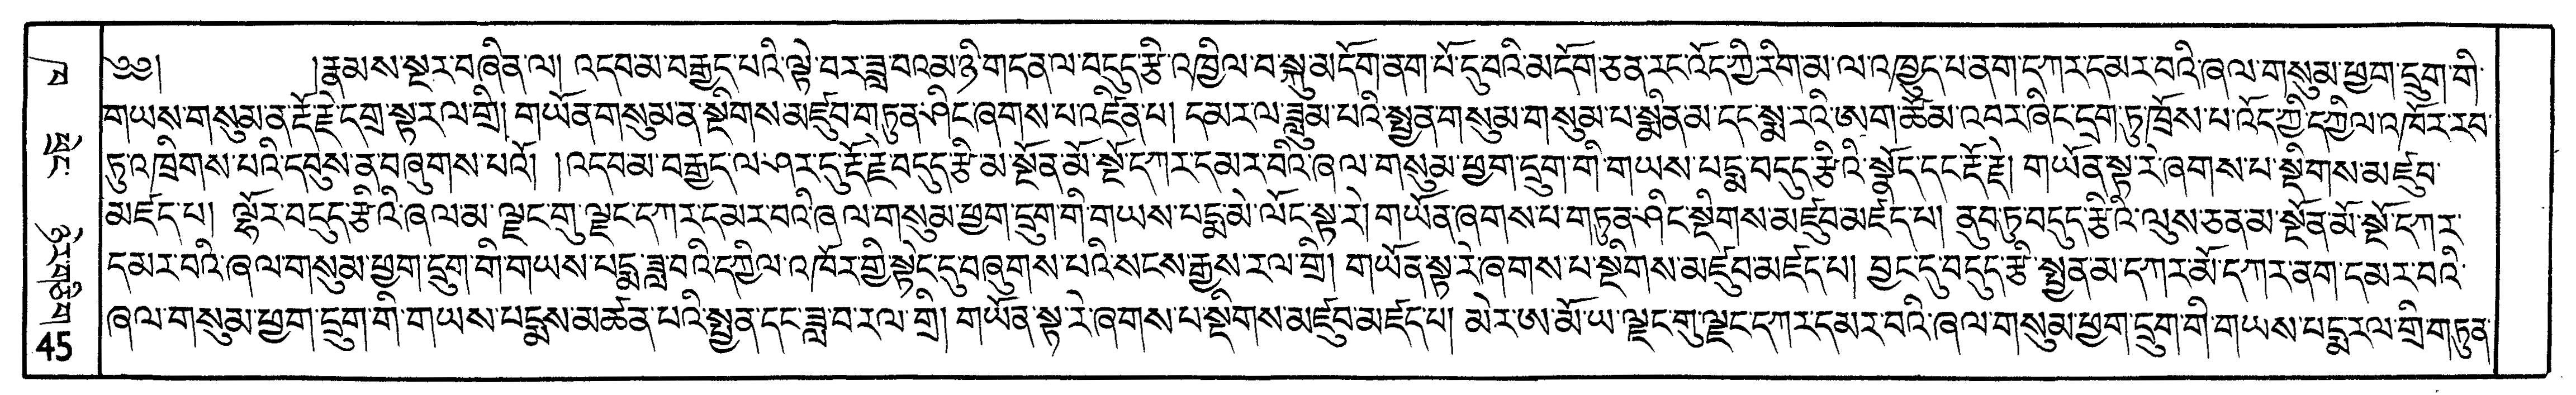༄༅། །རྣམས་སྔར་བཞིན་ལ། འདབ་མ་བརྒྱད་པའི་ལྟེ་བར་ཟླ་བའམ་ཉི་གདན་ལ་བདུད་རྩི་འཁྱིལ་བ་སྐུ་མདོག་ནག་པོ་དུ་བའི་མདོག་ཅན་རང་འོད་ཀྱི་རིག་མ་ལ་འཁྱུད་པ་ནག་དཀར་དམར་བའི་ཞལ་གསུམ་ཕྱག་དྲུག་གི་
གཡས་གསུམ་ན་རྡོ་རྗེ་དགྲ་སྟ་རལ་གྲི། གཡོན་གསུམ་ན་སྡིགས་མཛུབ་གཏུན་ཤིང་ཞགས་པ་འཛིན་པ། དམར་ལ་ཟླུམ་པའི་སྤྱན་གསུམ་གསུམ་པ་སྨིན་མ་དང་སྨ་རའི་ཨག་ཚོམ་འབར་ཞིང་དྲག་ཏུ་ཁྲོས་པ་འོད་ཀྱི་དཀྱིལ་འཁོར་རབ་
ཏུ་འཁྲིགས་པའི་དབུས་ན་བཞུགས་པའོ། །འདབ་མ་བརྒྱད་ལ་ཤར་དུ་རྡོ་རྗེ་བདུད་རྩི་མ་སྔོན་མོ་སྔོ་དཀར་དམར་བའི་ཞལ་གསུམ་ཕྱག་དྲུག་གི་གཡས་པདམ་བདུད་རྩིའི་སྣོད་དང་རྡོ་རྗེ། གཡོན་སྟ་རེ་ཞགས་པ་སྡིགས་མཛུབ་
མཛད་པ། ལྷོར་བདུད་རྩིའི་ཞལ་མ་ལྗང་གུ་ལྗང་དཀར་དམར་བའི་ཞལ་གསུམ་ཕྱག་དྲུག་གི་གཡས་པདམ་མེ་ལོང་སྟ་རེ། གཡོན་ཞགས་པ་གཏུན་ཤིང་སྡིགས་མཛུབ་མཛད་པ། ནུབ་ཏུ་བདུད་རྩིའི་ལུས་ཅན་མ་སྔོན་མོ་སྔོ་དཀར་
དམར་བའི་ཞལ་གསུམ་ཕྱག་དྲུག་གི་གཡས་པདམ་ཟླ་བའི་དཀྱིལ་འཁོར་གྱིས་སྟེང་དུ་བཞུགས་པའི་སངས་རྒྱས་རལ་གྲི། གཡོ་སྟ་རེ་ཞགས་པ་སྡིགས་མཛུབ་མཛད་པ། བྱང་དུ་བདུད་རྩི་སྤྱན་མ་དཀར་མོ་དཀར་ནག་དམར་བའི་
ཞལ་གསུམ་ཕྱག་དྲུག་གི་གཡས་པདམས་མཚན་པའི་སྤྱན་དང་ཟླ་བ་རལ་གྲི། གཡོན་སྟ་རེ་ཞགས་པ་སྡིགས་མཛུབ་མཛད་པ། མེར་ཨ་མོ་ཡ་ལྗང་གུ་ལྗང་དཀར་དམར་བའི་ཞལ་གསུམ་ཕྱག་དྲུག་གི་གཡས་པདམ་རལ་གྲི་གཏུན་